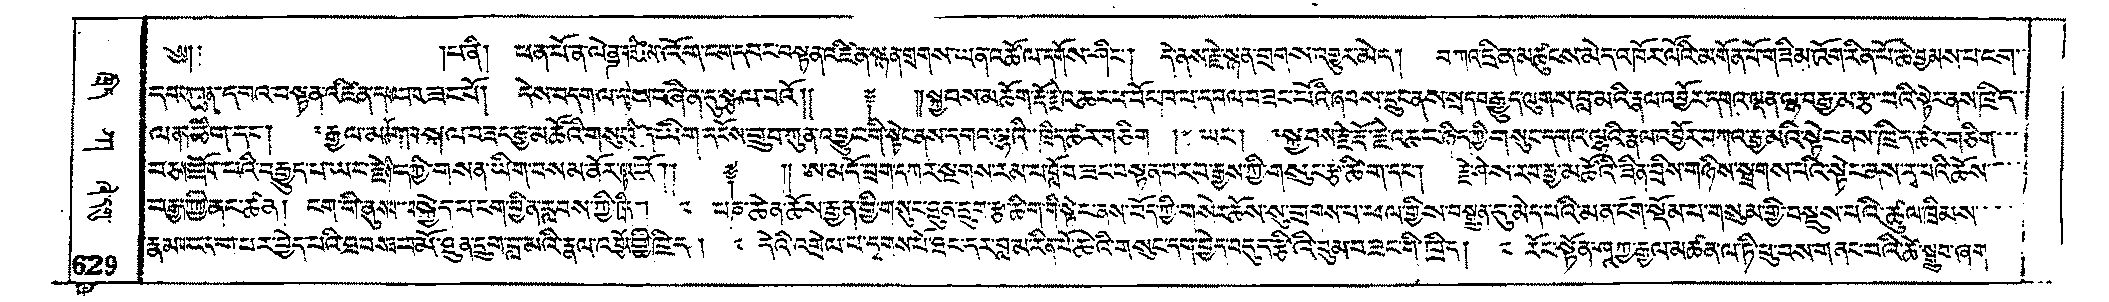༄༅། །པ་ནི། ཕན་པོ་ན་ལེནྜ་གཟིམ་འོག་ངག་དབང་བསྟན་འཛིན་སྙན་གྲགས་ཡན་འཚོལ་དགོས་ཤིང་། དེ་ནས་རྗེ་སྙན་གྲགས་འགྱུར་མེད། བཀའ་དྲིན་མཚུངས་མེད་འཁོར་ལོའི་མགོན་པོ་གཟིམ་འོག་རིན་པོ་ཆེ་བྱམས་པ་ངག་
དབང་ཀུན་དགའ་བསྟན་འཛིན་དཔལ་བཟང་པོ། དེས་བདག་ལ་དགྱེས་བཞིན་དུ་སྩལ་བའོ།། འ་།།སྐྱབས་མཆོག་རྡོ་རྗེ་འཆང་ཕ་བོང་ཁ་པ་དཔལ་བཟང་པོའི་ཞབས་དྲུང་ནས་སྲད་བརྒྱུད་ལུགས་བླ་མའི་རྣལ་འབྱོར་དགའ་ལྡན་ལྷ་བརྒྱ་མ་རྩ་བའི་སྟེང་ནས་ཁྲིད་
ལན་གཅིག་དང་། ༧རྒྱལ་མཆོག་བསྐལ་བཟང་རྒྱ་མཚོའི་གསུང་ཁྲིད་ཡིག་དངོས་གྲུབ་ཀུན་འབྱུང་གི་སྟེང་ནས་དགའ་ལྷའིཁྲིད་ཚར་གཅིག །༧་ཡང་། ༧་སྐྱབས་རྗེ་རྡོ་རྗེ་འཆང་ཉིད་ཀྱི་གསུང་དགའ་ལྷའི་རྣལ་འབྱོར་བཀའ་རྒྱ་མའི་སྟེང་ནས་ཁྲིད་ཚར་གཅིག་
བཅས་ཐོབ་པའི་བརྒྱུད་པ་ཡང་རྗེ་ཉིད་ཀྱི་གསན་ཡིན་གསམ་ནོར་ལྟར་རོ།། འ་།།ཨ་མདོ་བྲག་དཀར་སྔགས་རམ་པ་བློ་བཟང་བསྟན་པ་རབ་རྒྱས་ཀྱི་གསུང་རྩ་ཚིག་དང་། རྗེ་ཤེས་རབ་རྒྱ་མཚོའི་ཟིན་བྲིས་གཉིས་སྦྲགས་པའི་སྟེང་ནས་རྭ་པའི་ཆོས་
བརྒྱད་ཀྱི་ནང་ཚན། ངག་གི་ནུས་པ་བསྐྱེད་པ་ངག་བྱིན་རླབས་ཀྱི་ཁྲིད། ༧་པཎ་ཆེན་ཆོས་རྒྱན་གྱི་གསུང་ཐུན་དྲུག་རྩ་ཚིག་གི་སྟེང་ནས་བོད་ཀྱི་གསེར་ཆོས་སུ་གྲགས་པ་ཕལ་གྱིས་བསྒྲུན་དུ་མེད་པའི་མན་ངག་སྡོམ་པ་གསུམ་གྱི་བསྡུས་པའི་ཚུལ་ཁྲིམས་
རྣམ་པར་དག་པར་བྱེད་པའི་ཐབས་ཟབ་མོ་ཐུན་དྲུག་བླ་མའི་རྣལ་འབྱོར་གྱི་ཁྲིད། ༧དེའི་འགྲེལ་པ་དྭགས་པོ་ཐང་དར་བླ་མ་རིན་པོ་ཆེའི་གསུང་དག་བྱེད་བདུད་རྩིའི་བུམ་བཟང་གི་ཁྲིད། ༧་རོང་སྟོན་ཤཱཀྱ་རྒྱལ་མཚན་ལ་ཏི་ཕུ་བས་གནང་བའི་ཚེ་སྒྲུབ་ཞག་